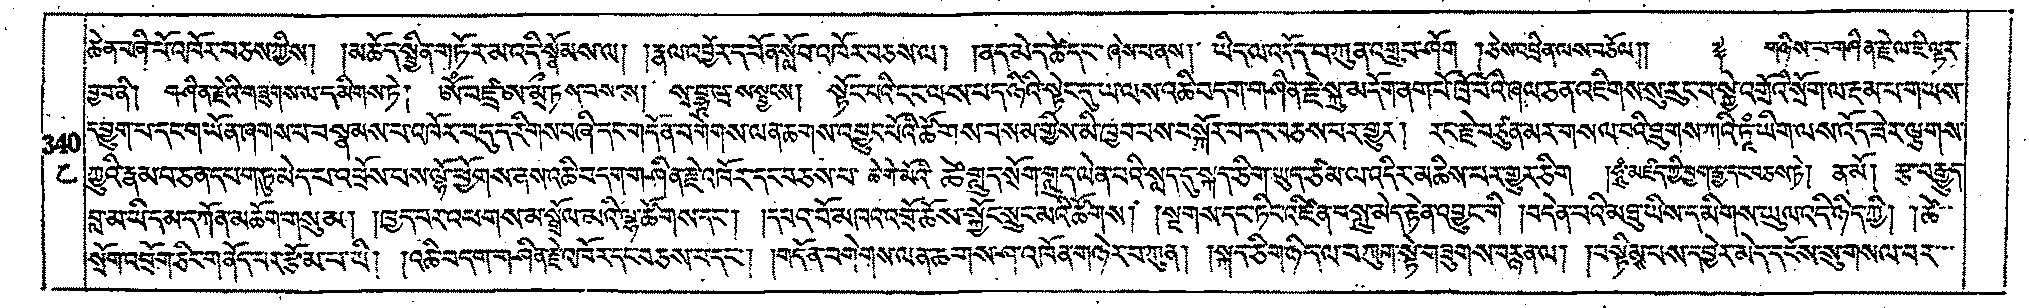ཆེན་བཞི་པོ་འཁོར་བཅས་ཀྱིས། །མཆོད་སྦྱིན་གཏོར་མ་འདི་སྙོམས་ལ། །རྣལ་འབྱོར་དཔོན་སློབ་འཁོར་བཅས་ལ། །ནད་མེད་ཚེ་དང་་་ཞེས་པ་ནས།  ཡིད་ལ་འདོད་པ་ཀུན་འགྲུབ་ཤོག །ཅེས་འཕྲིན་ལས་བཅོལ།། འ་གཉིས་པ་གཤིན་རྗེ་ལ་ཇི་ལྟར་
བྱ་བ་ནི། གཤིན་རྗེའི་གཟུགས་ལ་དམིགས་ཏེ། ཨོཾ་བཛྲ་ཨ་མྲྀ་ཏས་བསངས། སྭ་བྷཱ་ཝས་སྦྱངས། སྟོང་པའི་ངང་ལས་པད་ཉིའི་སྟེང་དུ་ཡ་ལས་འཆི་བདག་གཤིན་རྗེ་སྐུ་མདོག་ནག་པོ་ཁྲོ་བོའི་ཞལ་ཅན་འཇིགས་སུ་རུང་བ་སྐྱེ་འགྲོའི་སྲོག་ལ་རྔམ་པ་གཡས་
དབྱུག་པ་དང་གཡོན་ཞགས་པ་བསྣམས་པ་འཁོར་བདུད་རིགས་བཞི་དང་གདོན་བགེགས་ལན་ཆགས་འབྱུང་པོའི་ཚོགས་བསམ་གྱིས་མི་ཁྱབ་པས་བསྐོར་བ་དང་བཅས་པར་གྱུར། རང་རྗེ་བཙུན་མར་གསལ་བའི་ཐུགས་ཀའི་ཏཱཾ་ཡིག་ལས་འོད་ཟེར་ལྕགས་
ཀྱུའི་རྣམ་པ་ཅན་དཔག་ཏུ་མེད་པ་འཕྲོས་པས་ལྷོ་ཕྱོགས་ནས་འཆི་བདག་གཤིན་རྗེ་འཁོར་དང་བཅས་པ་ཆེ་གེ་མོའི་ཚེ་གླུད་སྲོག་གླུད་ལེན་པའི་སླད་དུ་སྐད་ཅིག་ཡུད་ཙམ་ལ་འདིར་མཆིས་པར་གྱུར་ཅིག་།ཧཱུཾ་མཛད་ཀྱི་ཕྱག་རྒྱ་དང་བཅས་ཏེ། ན་མོ། རྩ་བརྒྱུད་
བླ་མ་ཡི་དམ་དཀོན་མཆོག་གསུམ། །ཁྱད་པར་འཕགས་མ་སྒྲོལ་མའི་ལྷ་ཚོགས་དང་། །དཔའ་བོ་མཁའ་འགྲོ་ཆོས་སྐྱོང་སྲུང་མའི་ཚོགས། །སྔགས་དང་ཏིང་འཛིན་བསླུ་མེད་རྟེན་འབྱུང་གི །བདེན་པའི་མཐུ་ཡིས་དམིགས་ཡུལ་འདི་ཉིད་ཀྱི། །ཚེ་་་
སྲོག་འཕྲོག་ཅིང་གནོད་པར་རྩོམ་པ་ཡི། །འཆི་བདག་གཤིན་རྗེ་འཁོར་དང་བཅས་པ་དང་། །གདོན་བགེགས་ལན་ཆགས་ཤ་འཁོན་གཉེར་བ་ཀུན། །སྐད་ཅིག་ཉིད་ལ་བཀུག་སྟེ་གཟུགས་བརྙན་ལ། །བསྟིམས་པས་དབྱེར་མེད་དངོས་སུ་གསལ་བར་་་